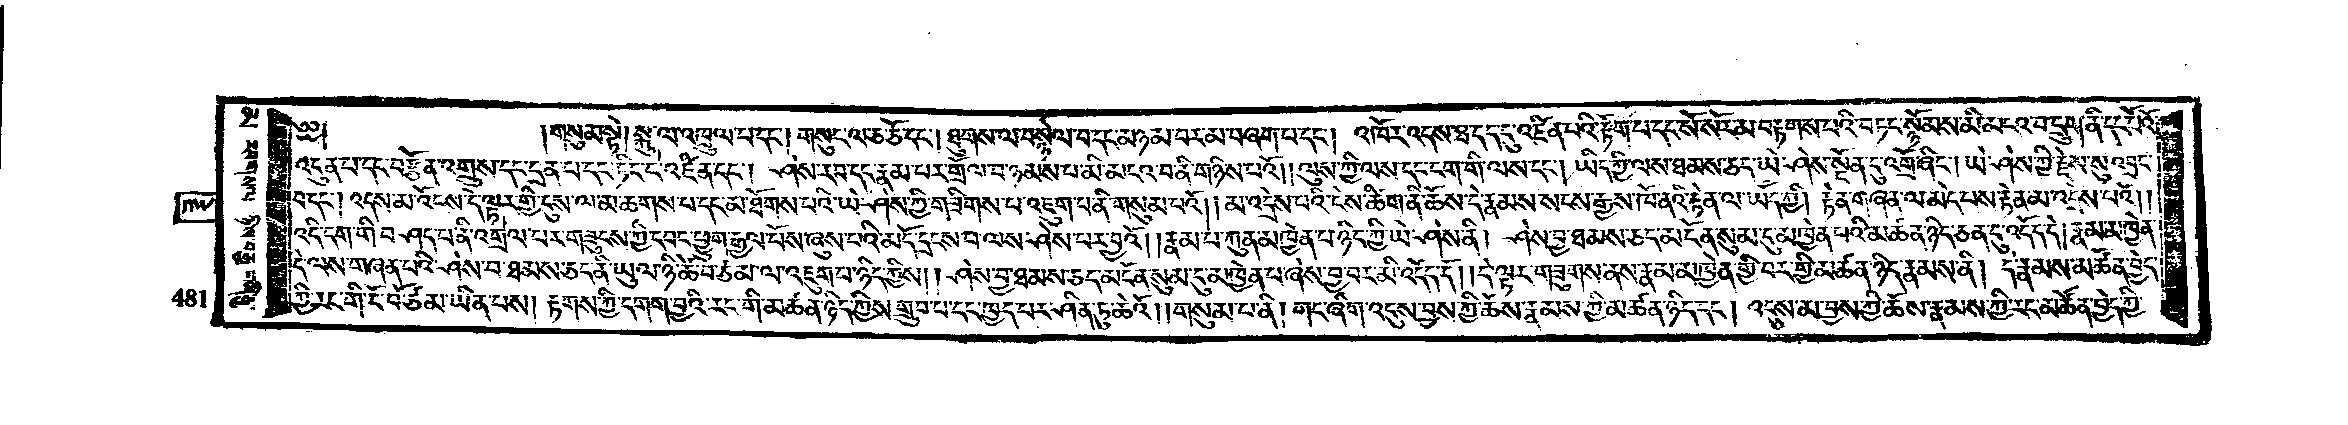༄༅། །གསུམ་སྟེ། སྐུ་ལ་འཁྲུལ་པ་དང་། གསུང་ལ་ཅ་ཅོ་དང་། ཐུགས་ལ་བསྙེལ་བ་དང་མཉམ་བར་མ་བཞག་པ་དང་། འཁོར་འདས་ཐ་དད་དུ་འཛིན་པའི་རྟོག་པ་དང་སོ་སོར་མ་བརྟགས་པའི་བཏང་སྙོམས་མི་མངའ་བ་དྲུག་ནི་དང་པོའོ།
འདུན་པ་དང་བརྩོན་འགྲུས་དང་དྲན་པ་དང་ཏིང་ངེ་འཛིན་དང་། ཤེས་རབ་དང་རྣམ་པར་གྲོལ་བ་ཉམས་པ་མི་མངའ་བ་ནི་གཉིས་པའོ། །ལུས་ཀྱི་ལས་དང་ངག་གི་ལས་དང་། ཡིད་ཀྱི་ལས་ཐམས་ཅད་ཡེ་ཤེས་སྔོན་དུ་འགྲོ་ཞིང་། ཡེ་ཤེས་ཀྱི་རྗེས་སུ་འབྲང་
བ་དང་། འདས་མ་འོངས་ད་ལྟར་གྱི་དུས་ལ་མ་ཆགས་པ་དང་མ་ཐོགས་པའི་ཡེ་ཤེས་ཀྱི་གཟིགས་པ་འཇུག་པ་ནི་གསུམ་པའོ། །མ་འདྲེས་པའི་ངེས་ཚིག་ནི་ཆོས་དེ་རྣམས་སངས་རྒྱས་ཁོ་ནའི་རྟེན་ལ་ཡོད་ཀྱི། རྟེན་གཞན་ལ་མེད་པས་རྟེན་མ་འདྲེས་པའོ། །
འདི་དག་གི་བཤད་པ་ནི་འགྲེལ་པར་གཟུངས་ཀྱི་དབང་ཕྱུག་རྒྱལ་པོས་ཞུས་པའི་མདོ་དྲངས་པ་ལས་ཤེས་པར་བྱའོ། །རྣམ་པ་ཀུན་མཁྱེན་པ་ཉིད་ཀྱི་ཡེ་ཤེས་ནི། ཤེས་བྱ་ཐམས་ཅད་མངོན་སུམ་དུ་མཁྱེན་པའི་མཚན་ཉིད་ཅན་དུ་འདོད་དེ། རྣམ་མཁྱེན་
དེ་ལས་གཞན་པའི་ཤེས་བ་ཐམས་ཅད་ནི་ཡུལ་ཉི་ཚེ་བ་ཙམ་ལ་འཇུག་པ་ཉིད་ཀྱིས། །ཤེས་བྱ་ཐམས་ཅད་མངོན་སུམ་དུ་མཁྱེན་པ་ཞེས་བྱ་བར་མི་འདོད་དོ། །དེ་ལྟར་གཟུགས་ནས་རྣམ་མཁྱེན་གྱི་བར་གྱི་མཚན་ཉིད་རྣམས་ནི། དེ་རྣམས་མཚོན་བྱེད་
ཀྱི་རང་གི་ངོ་བོ་ཙམ་ཡིན་པས། རྟགས་ཀྱི་དགག་བྱའི་རང་གི་མཚན་ཉིད་ཀྱིས་གྲུབ་པ་དང་ཁྱད་པར་ཤིན་ཏུ་ཆེའོ། །གསུམ་པ་ནི། གང་ཞིག་འདུས་བྱས་ཀྱི་ཆོས་རྣམས་ཀྱི་མཚན་ཉིད་དང་། འདུས་མ་བྱས་ཀྱི་ཆོས་རྣམས་ཀྱི་རང་མཚོན་བྱེད་ཀྱི་